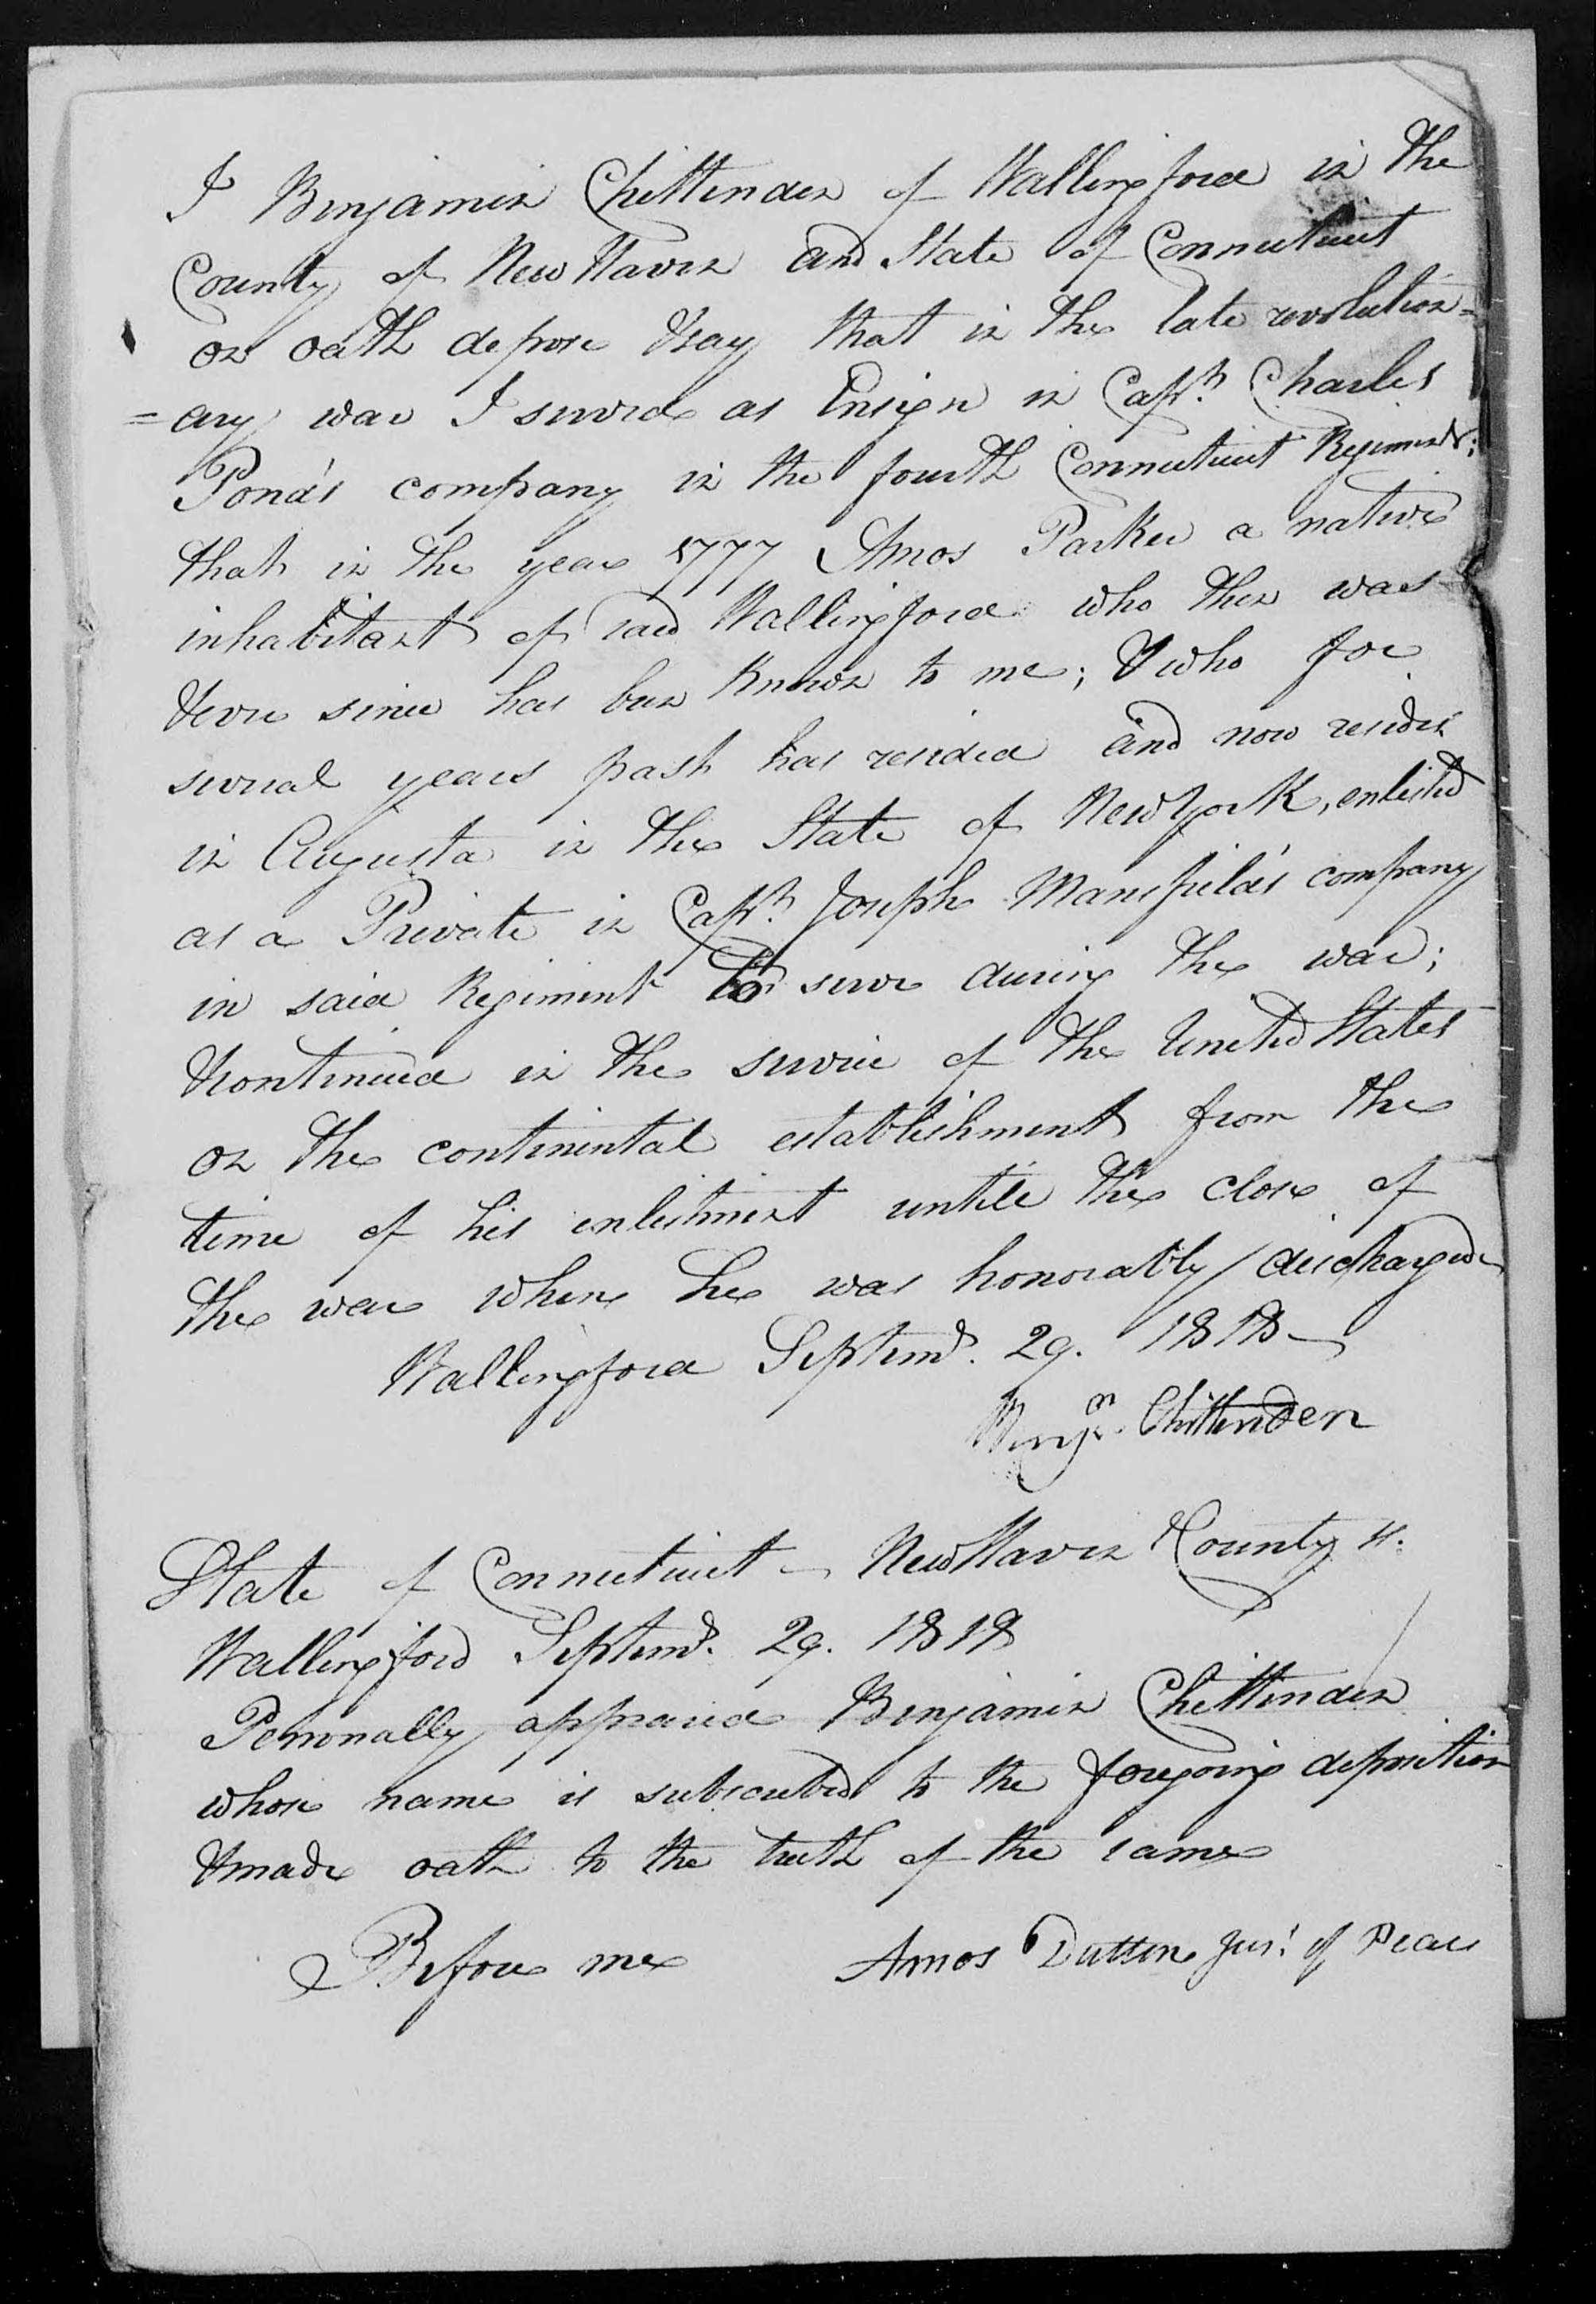I Benjamin Chittenden of Wallingford in the
County of New Haven and State of Connecticut
on oath depose say that in the late revolutionary 
War I served as Ensign in Capt Charles
Pond's company in the fourth Connecticut Regiment
that in the year 1777 Amos Parker a native
inhabitant of said Wallingford who then was
& ever since has been known to me, & who for
several years past has resided and now resides
in Augusta in the State of New York, enlisted
as a Private in Capt Joseph Manfield's company
in said Regiment to serve during the war;
continued in the service of the United States
on the continental establishment from the
time of his enlistment until the close of
the war when he was honorably discharged
Wallingford Septemr 29 1818
Benjm Chittenden
State of Connecticut. New Haven County in
Wallingford Septemr 29 1818
Personally appeared Benjamin Chittenden
whose name is subscribed to the foregoing deposition
& made oath to the truth of the same
Before me
Amos Dutton Just of Peace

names: Amos Parker; Benjamin Chittenden; Amos Dutton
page: 8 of 31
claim: survivor's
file: S. 43766, for Amos Parker, Connecticut